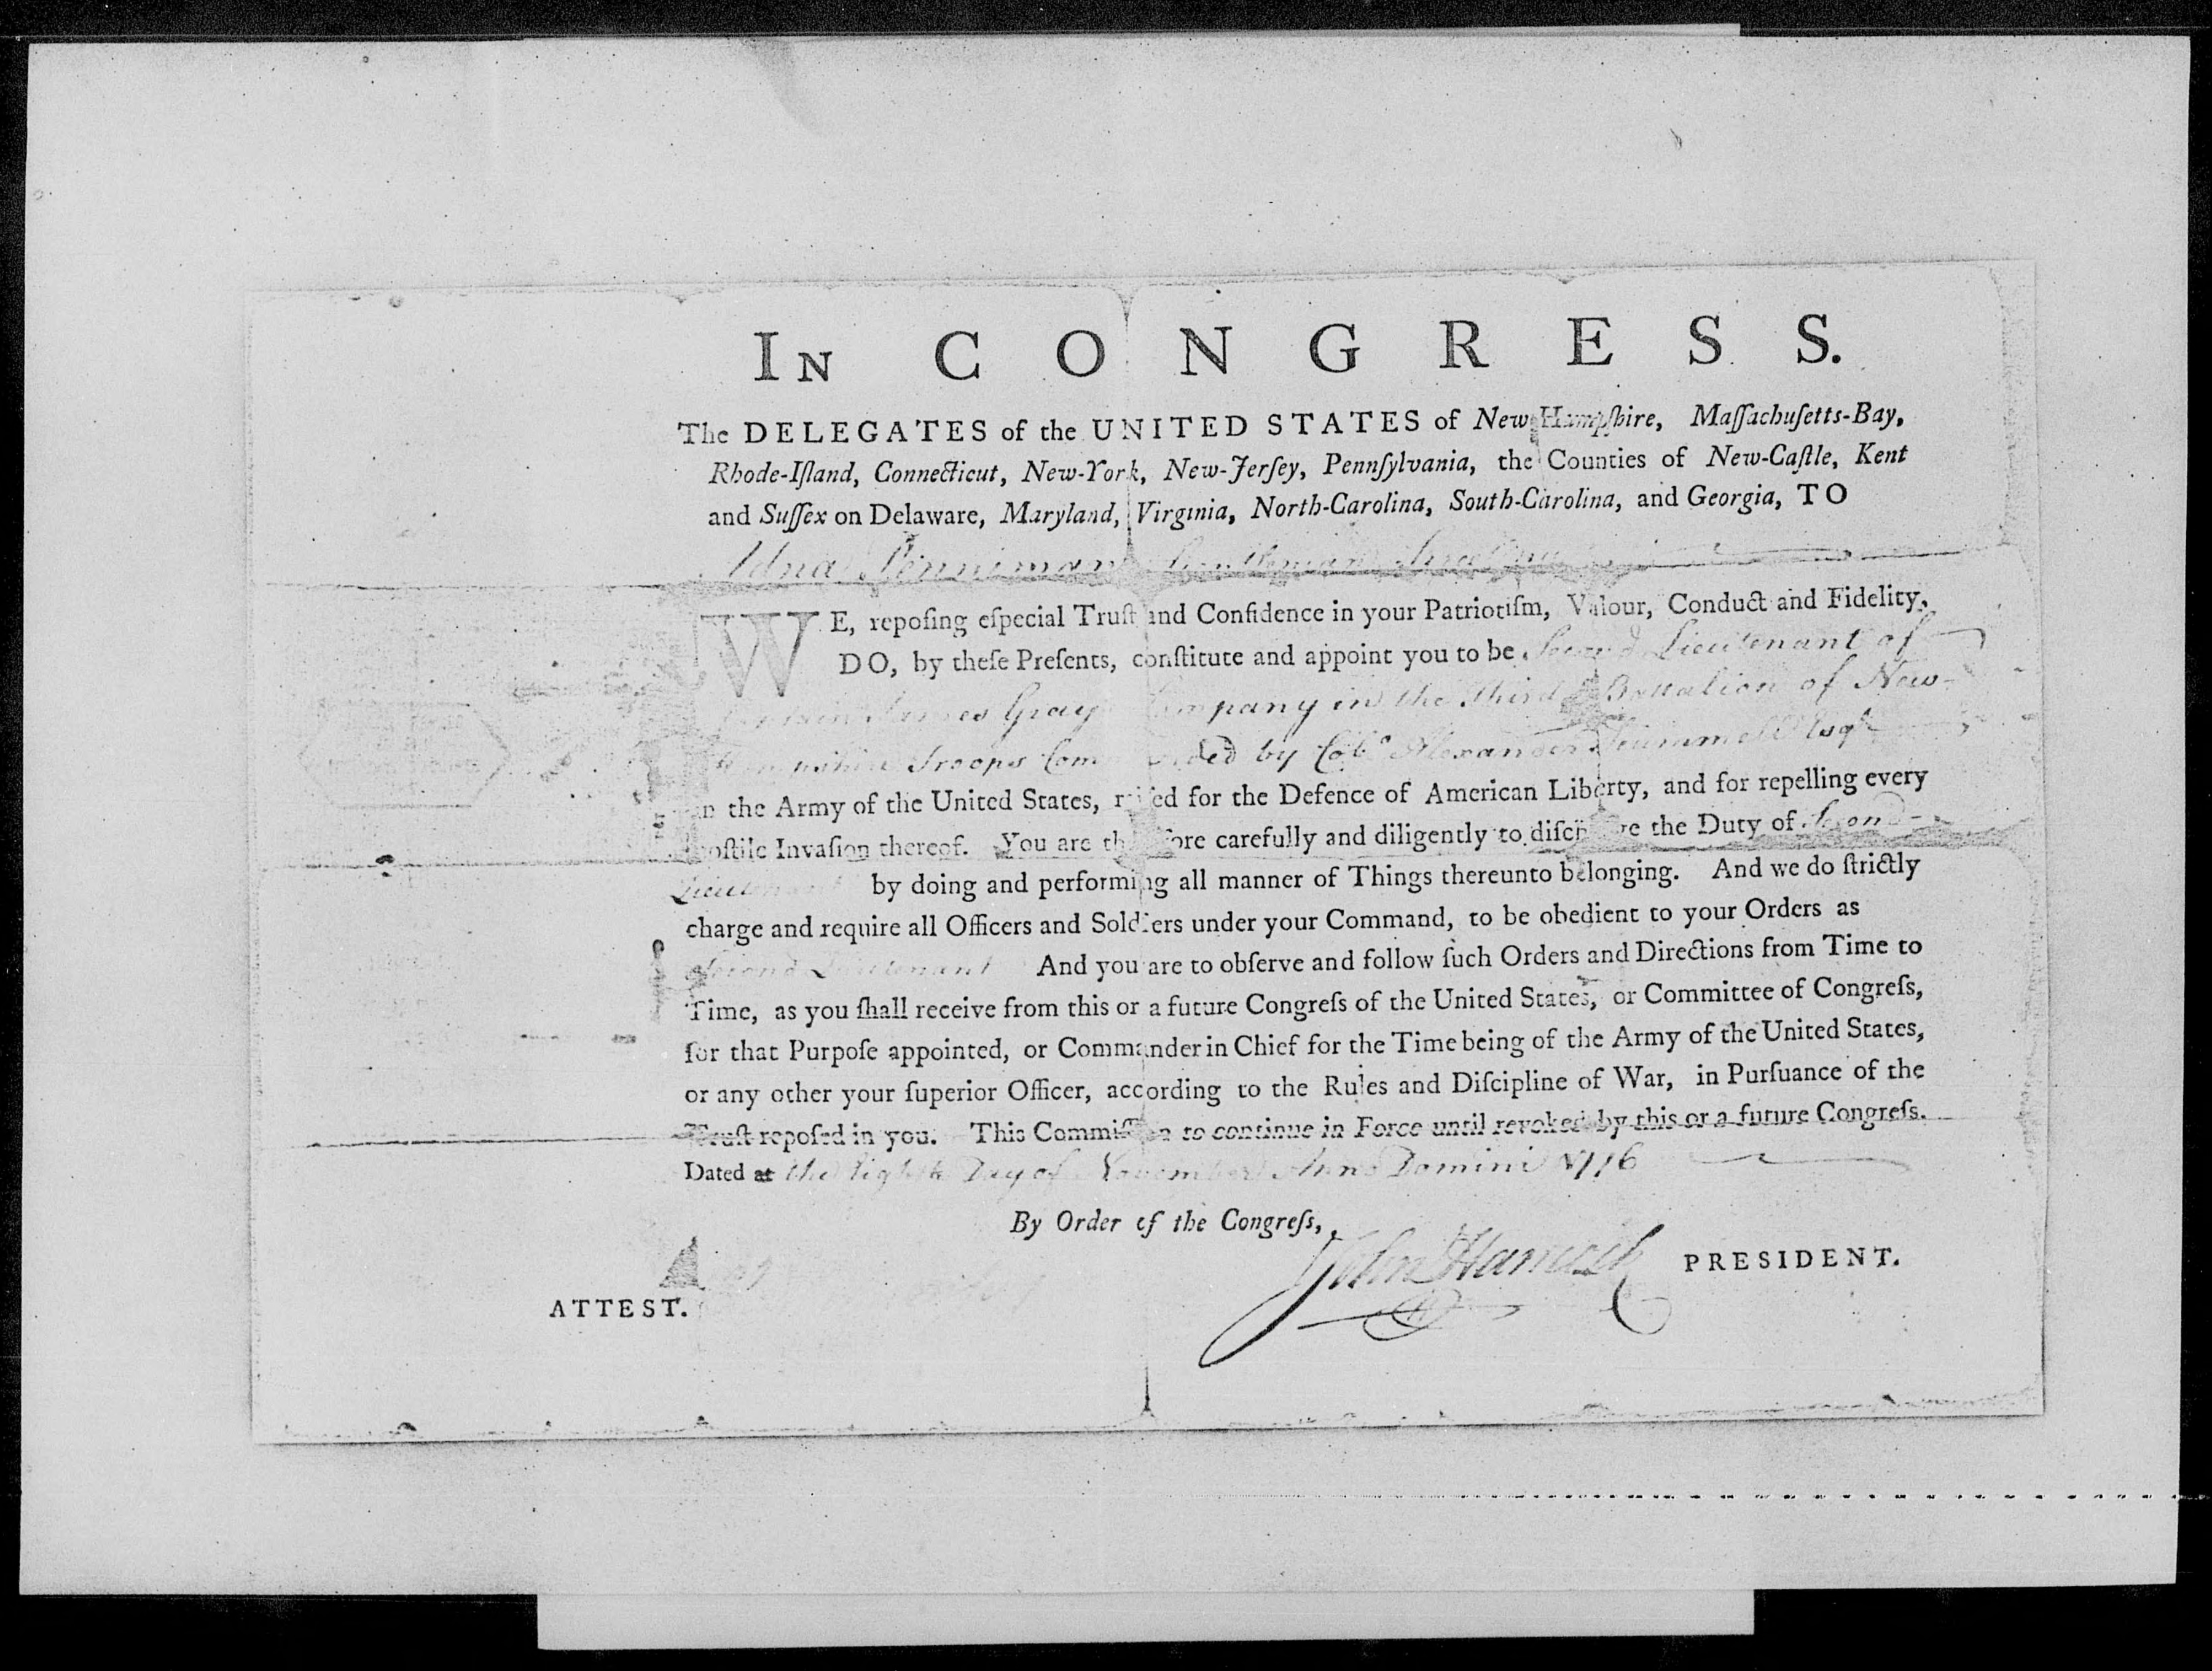In CONGRESS. 
The DELEGATES of the UNITED STATES of New Hampshire, Massachusetts-Bay,
Rhode-Island, Connecticut, New-York, New-Jersey, Pennsylvania, the Counties of New-Castle, Kent 
and Sussex on Delaware, Maryland, Virginia, North-Carolina, South-Carolina, and Georgia, TO
Adna Penniman [illegible]
WE, reposing especial Trust and Confidence in your Patriotism, Valour, Conduct and Fidelity,
DO, by these Presents, constitute and appoint you to be Second Lieutenant of
[illegible] James Gray Company in the Third Battalion of New-
Hampshire Troops commanded by Col Alexander Scammell Esq.
in the Army of the United States, [illegible] for the Defence of American Liberty, and for repelling every
hostile invasion thereof. You are therefore carefully and diligently to [illegible] the Duty of Second
Lieutenant by doing and performing all manner of Things thereunto belonging,. And we do strictly 
charge and require all Officers and Soldiers under your Command, to be obedient to your Orders as
Second Lieutenant. And you are to observe and follow such Orders and Directions from Time to
Time, as you shall receive from this or a future Congress of the United States, or Committee  of Congress,
for that Purpose appointed, or Commander in Chief for the Time being of the Army of the United States,
or any other your superior Officer, according to the Rules and Discipline of War, in Pursuance of the
Trust reposed in you. This Commission to continue in Force until revoked by this or a future Congress.
Dated the eighth day of November, Anno Domini [illegible]
By Order of the Congress,
John Hancock PRESIDENT.
ATTEST.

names: Alexander Scammell; Adna Penniman; John Hancock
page: 9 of 13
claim: survivor's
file: S. 45065, for Adna Penniman, Massachusetts